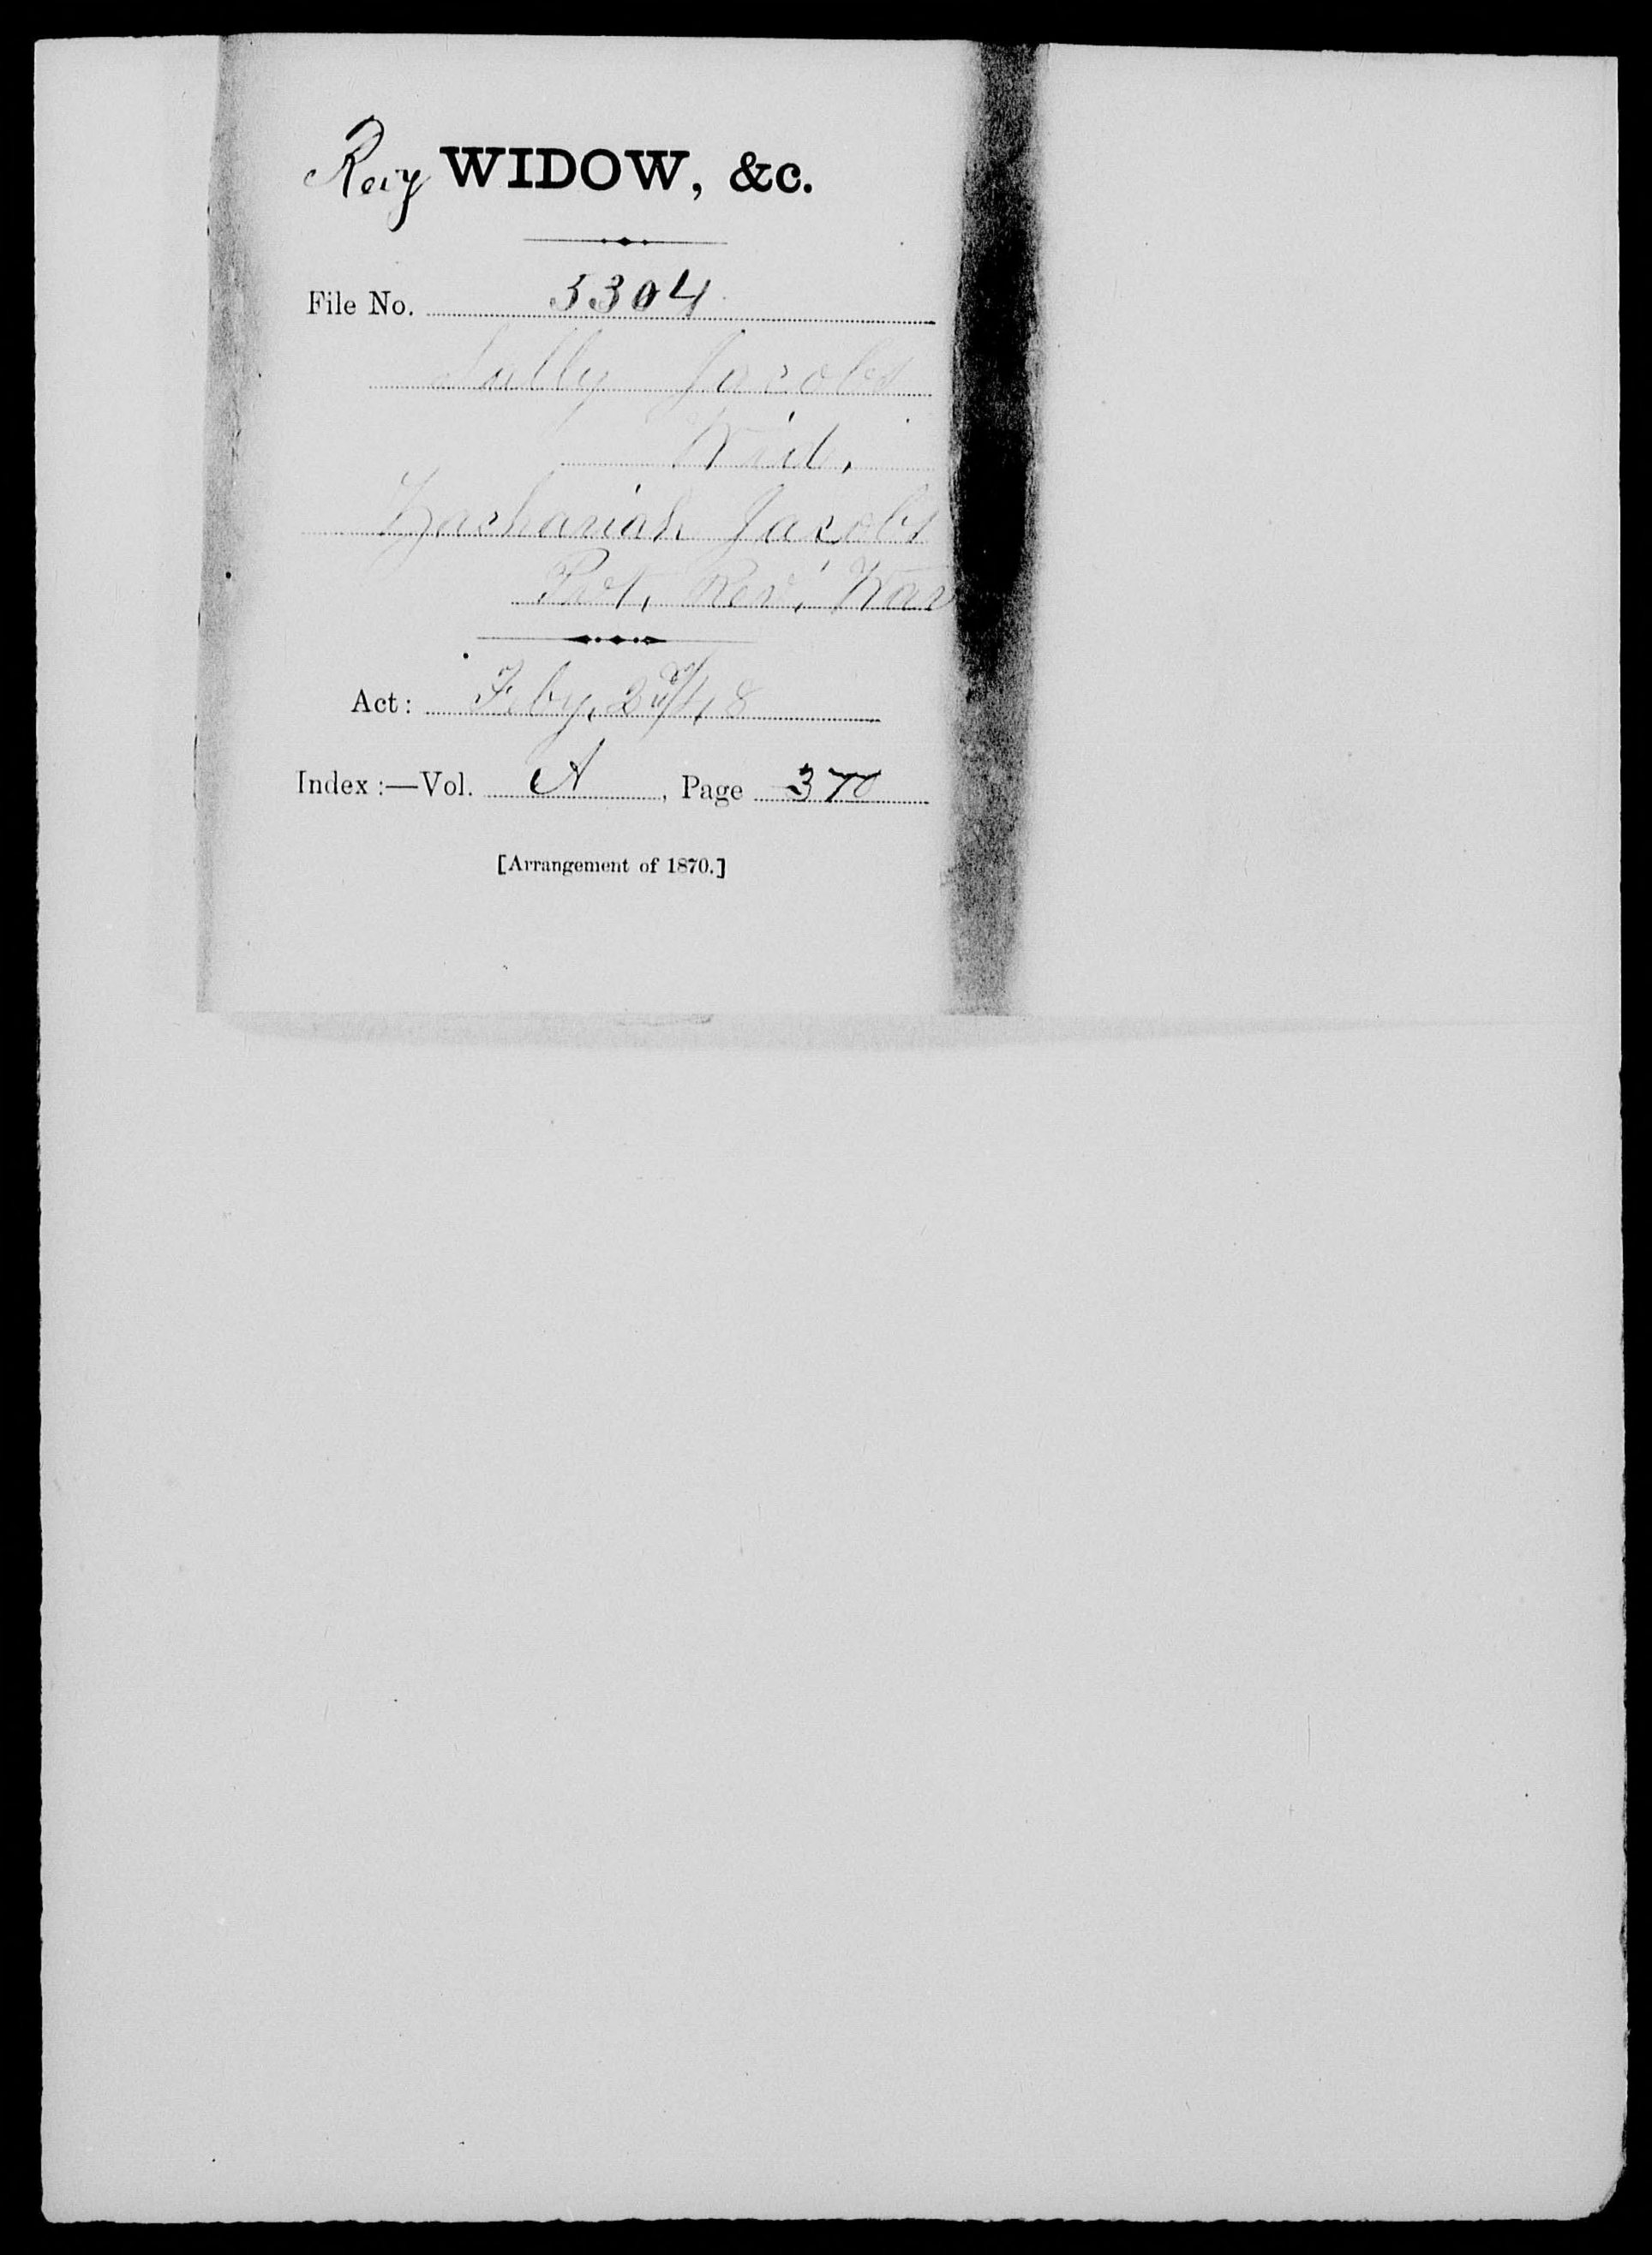Revy  WIDOW ,&c.
    ----------------
File No.      3304
Sally Jacobs
    Wid.
Zachariah Jacobs
    Pvt. Rev. War
-------------------
Act Feby, 2nd/48

Index: -  Vol/ A      Page  370

[Arrangement of 1870]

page: 37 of 40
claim: widow's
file: W. 5304, for Zachariah Jacobs, North Carolina